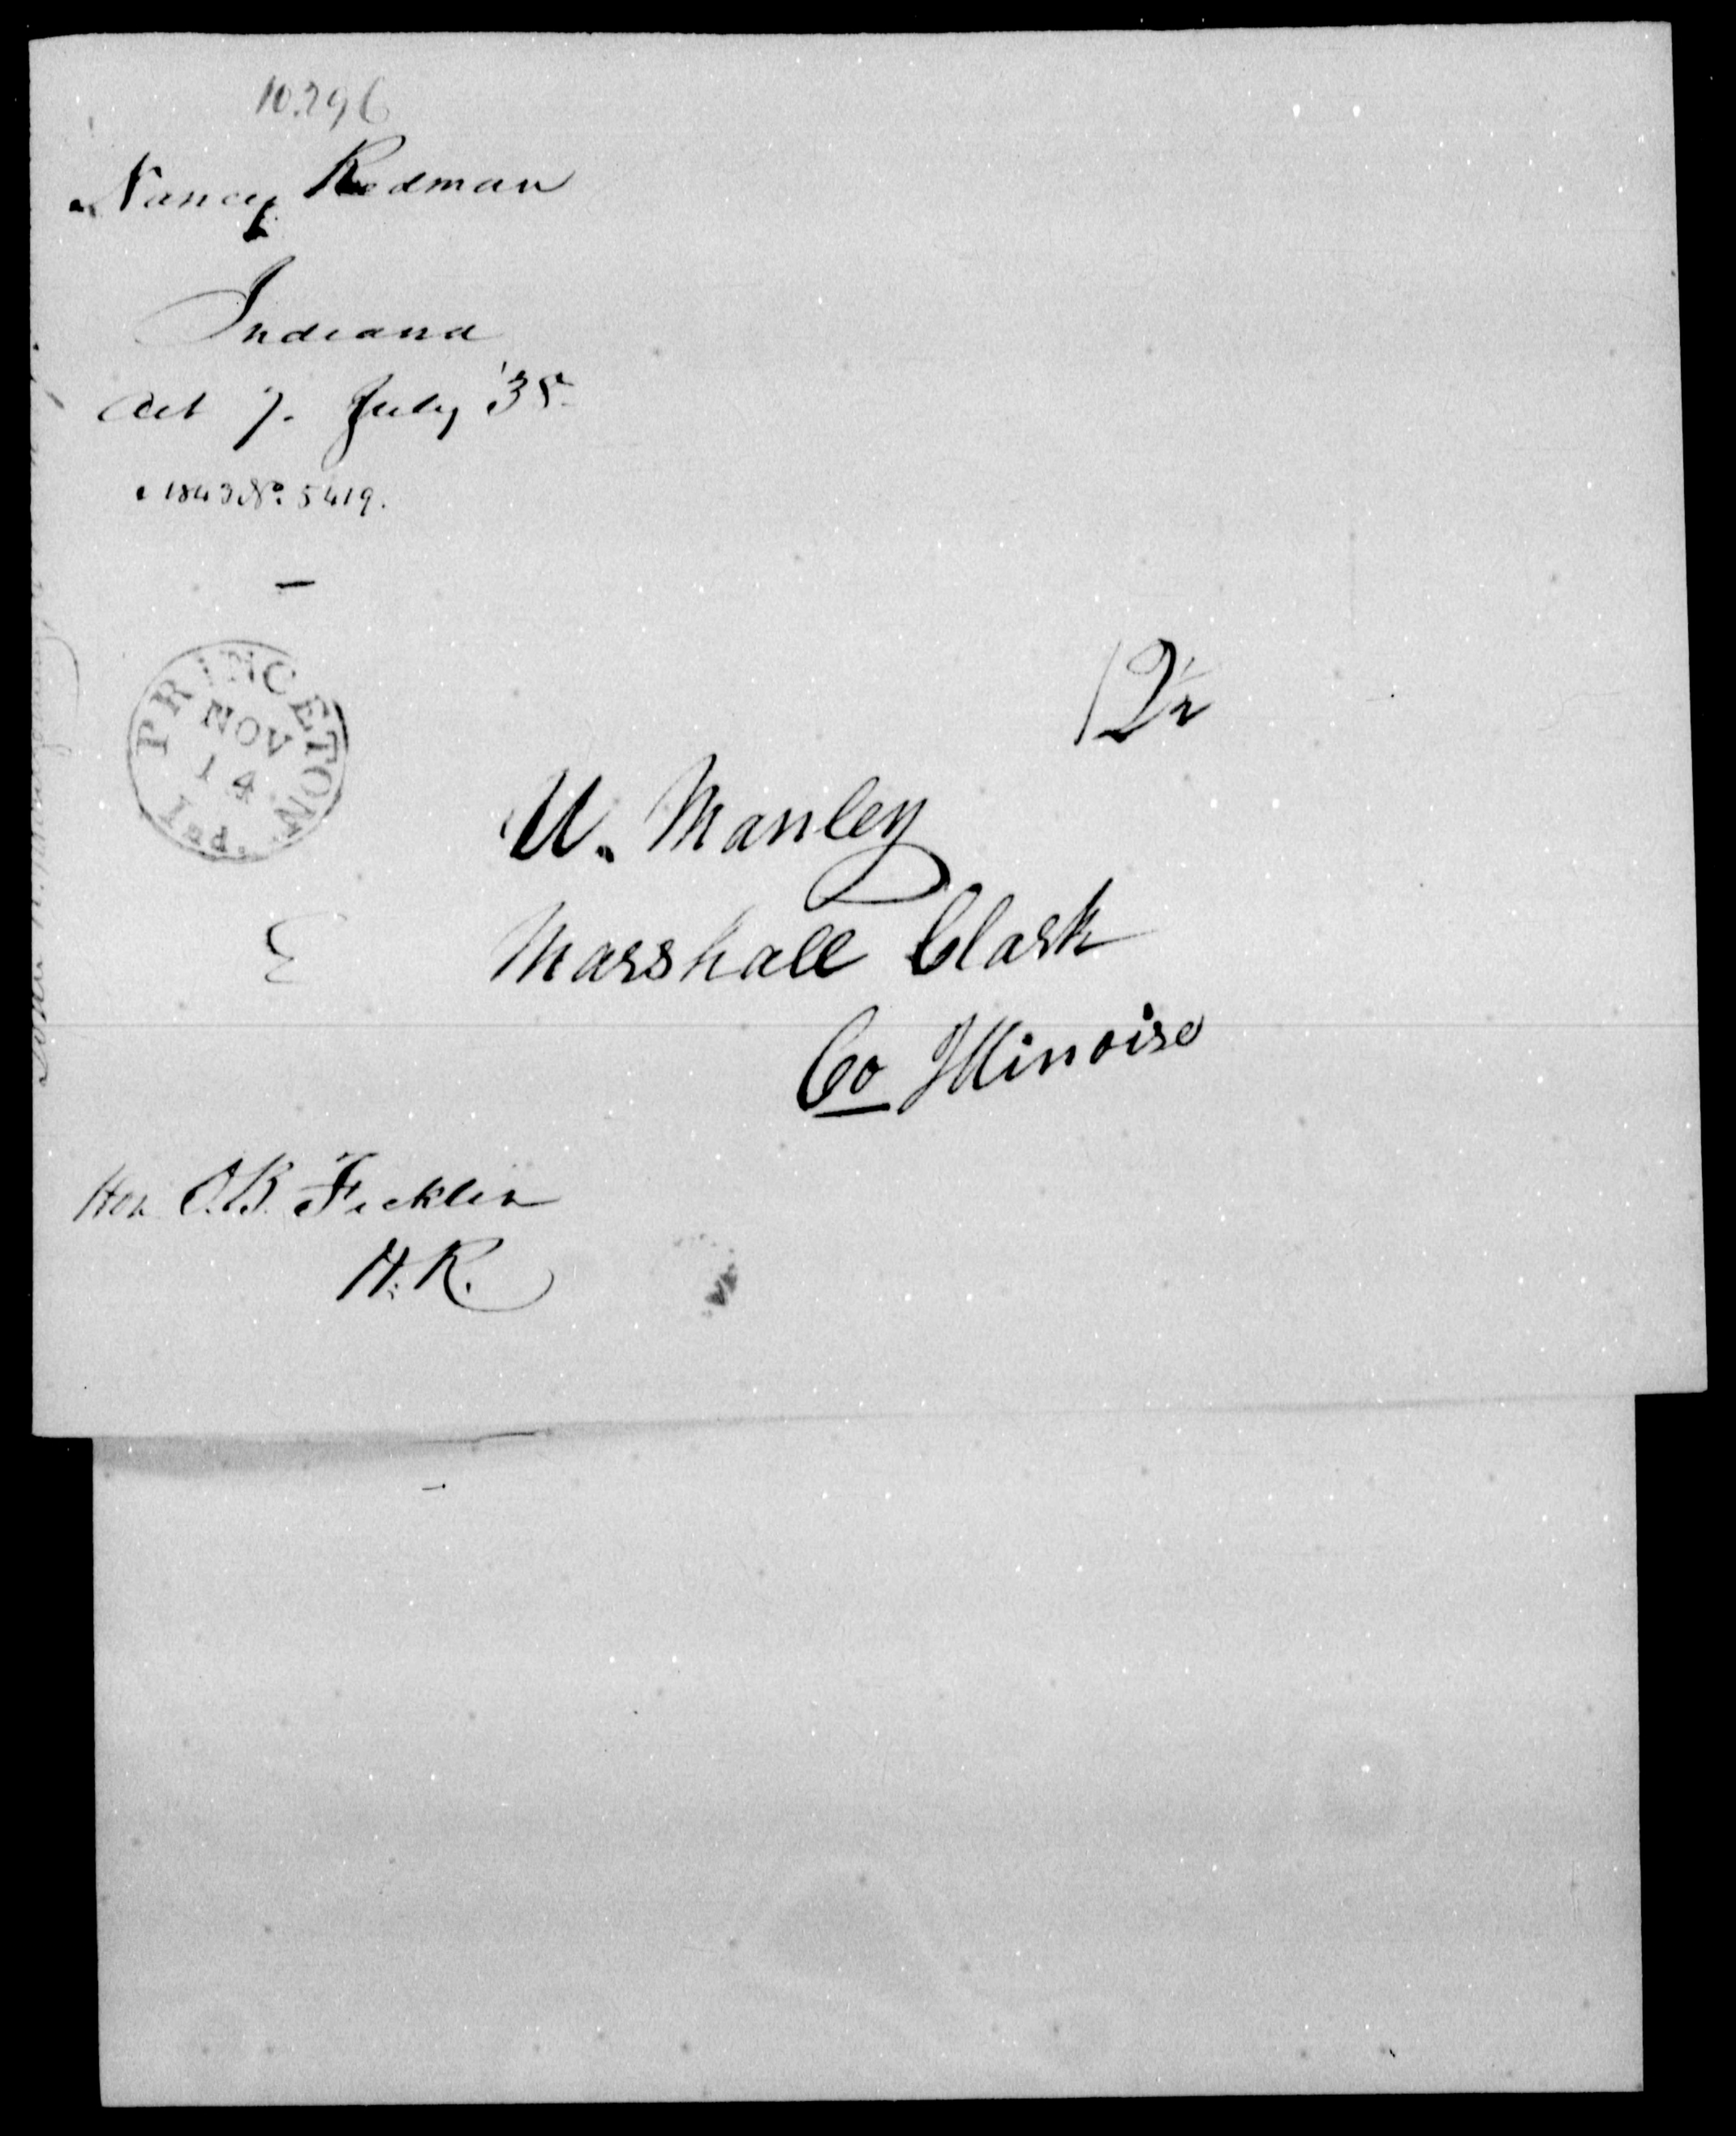10,296
Nancy Redman
Indiana
Act 7 July '38
1843 No. 5419.
PRINCETON Ind. NOV 14 12 1/2
W. Manley
Marshall Clask
Co Illinoise
Hon O. B. Fickler
H.R.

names: O B Ficklin; U Manley; Nancy Redman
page: 12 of 57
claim: widow's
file: W. 9,622, for Aaron Redman, Virginia